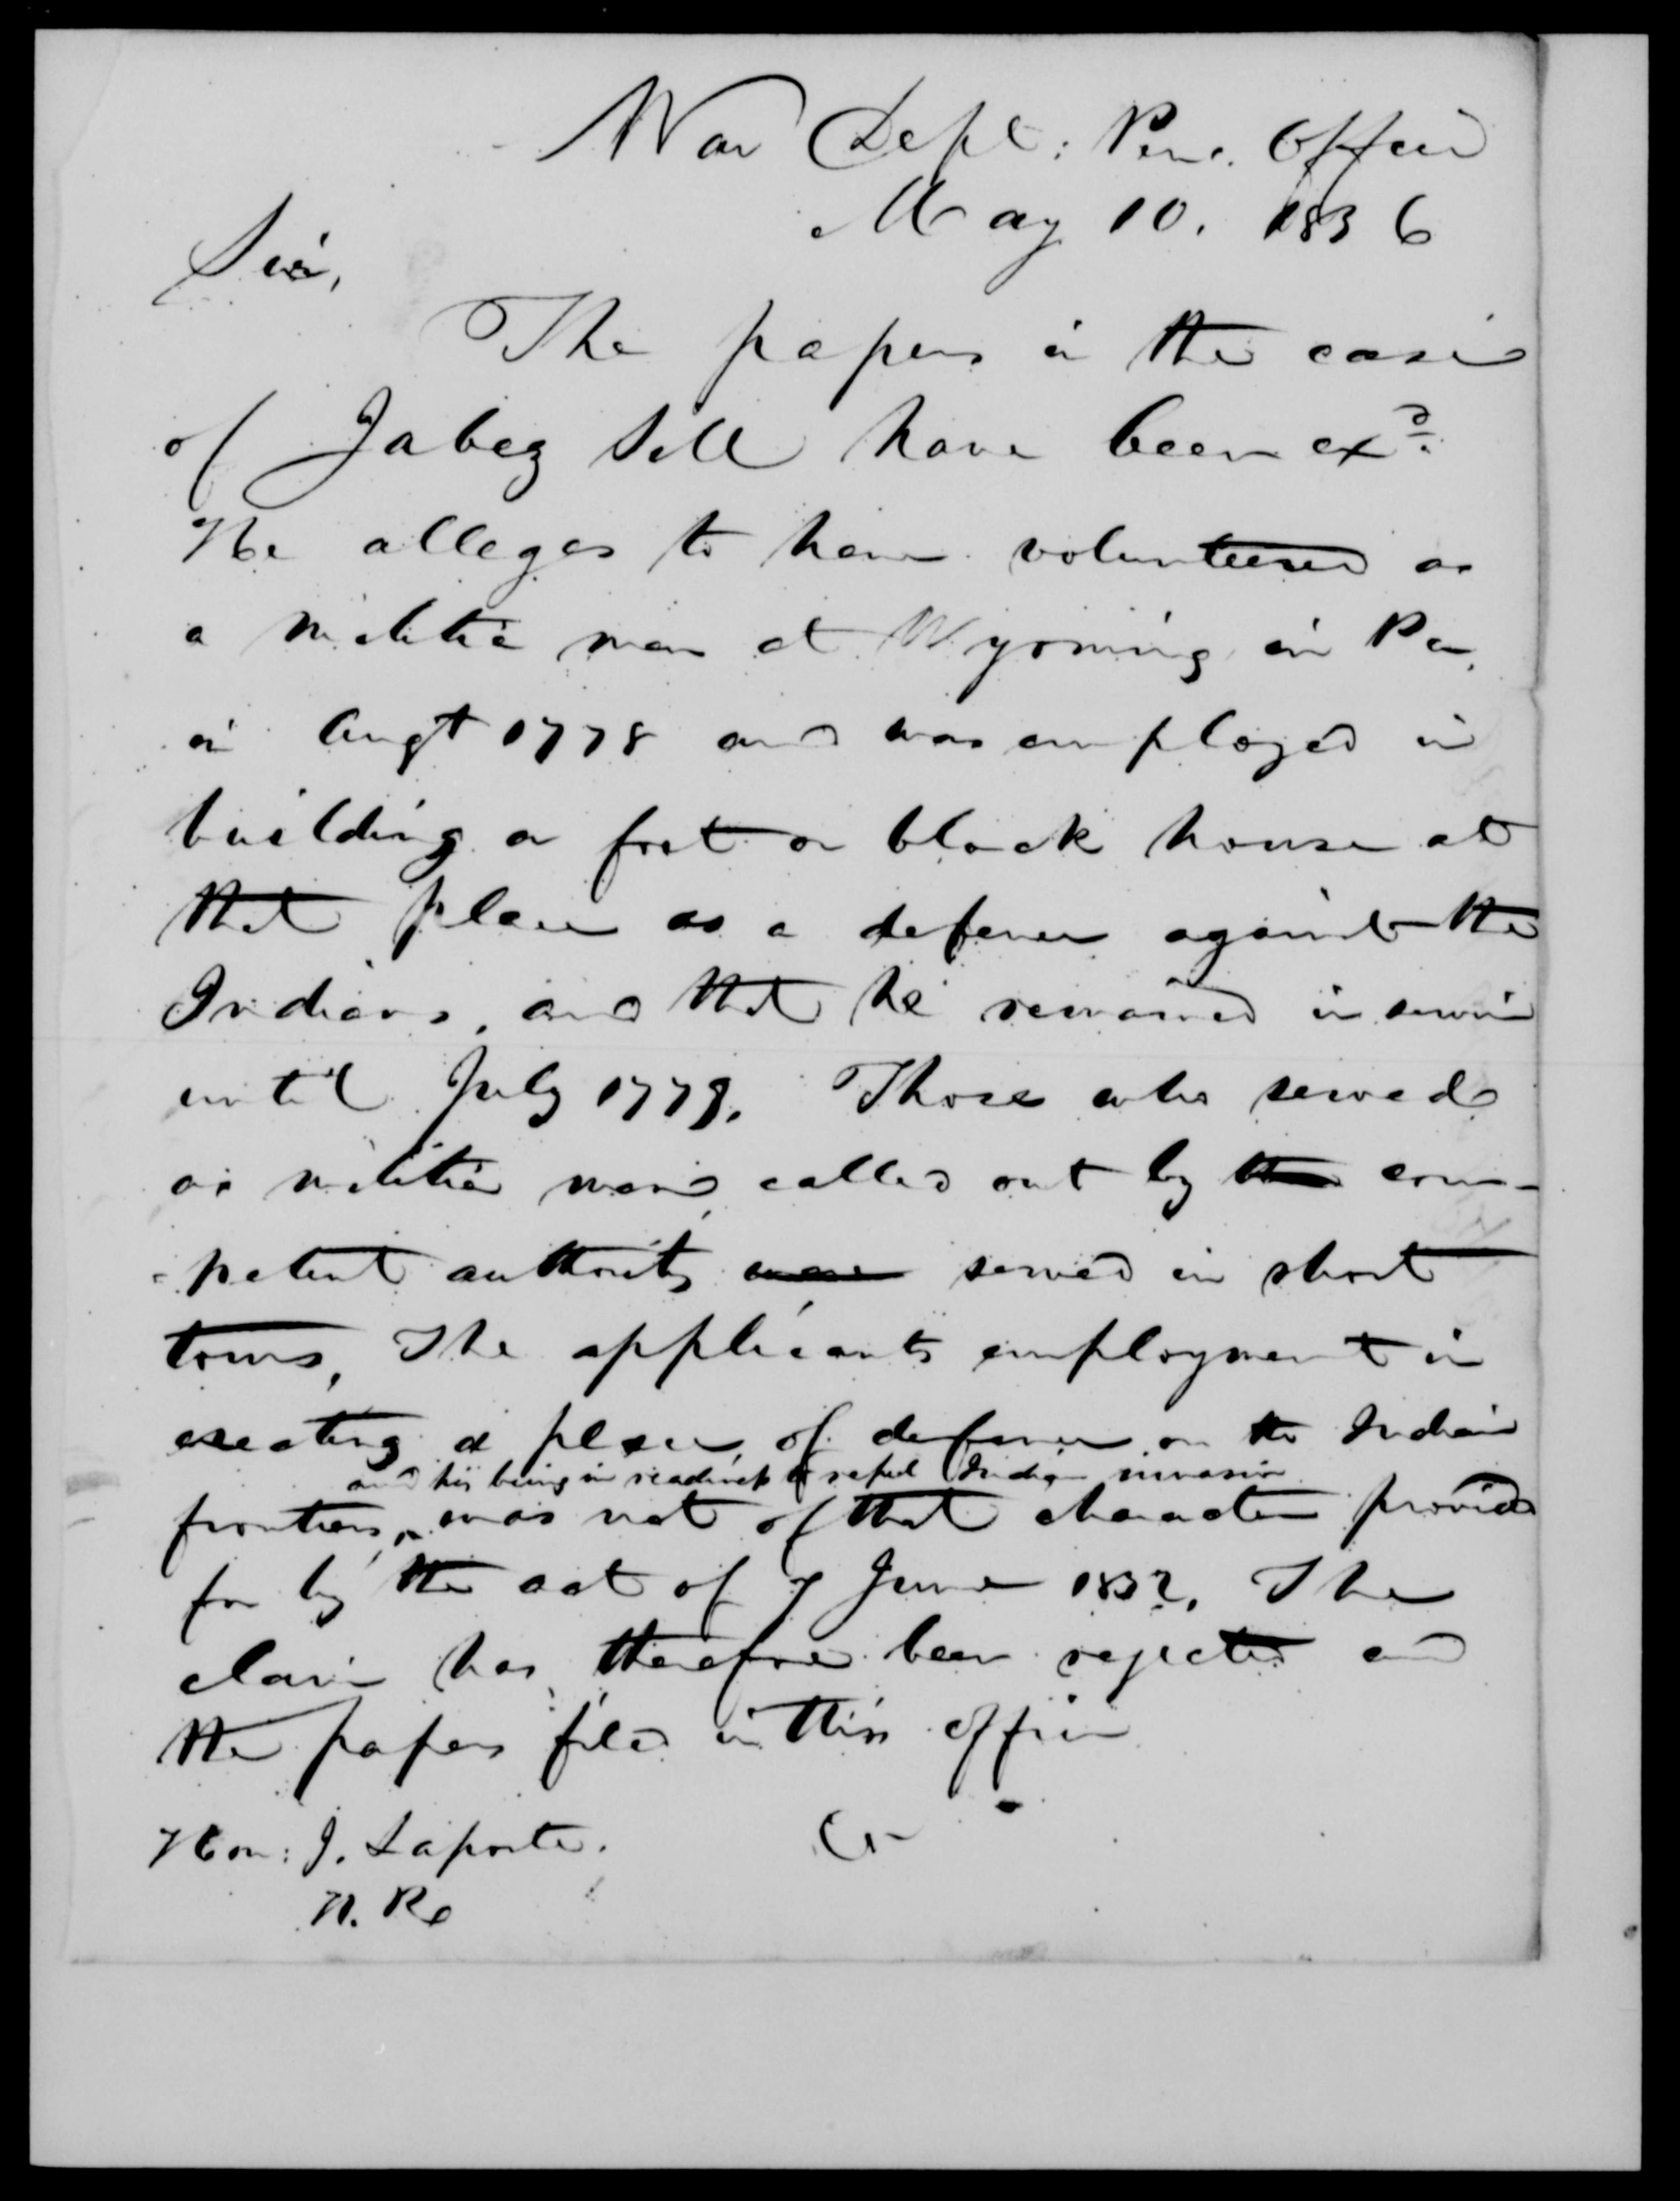War Dept. Pen. Office
May 10, 1836

Sir,

The papers in the case of Jabez Sill have been ex'd.  He alleges to have volunteered as a militia man at Wyoming in Pa. in Augt 1778 and was employed in building a fort or block house at that place as a defense against the Indians and that he remained in service until July 1779.  Those who served as militia men called out by competent authority served in short terms.  The applicant's employment in creating a place of defense on the Indian frontier, and his being in _____ Indian mission, was not of that character provided for by the Act of June 1832.  The claim has therefore been rejected and the papers filed in this office.

Hon. J. Laporte
_____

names: Jabez Sill; J Laporte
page: 26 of 29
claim: rejected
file: R. 9570, for Jabez Sill, Connecticut